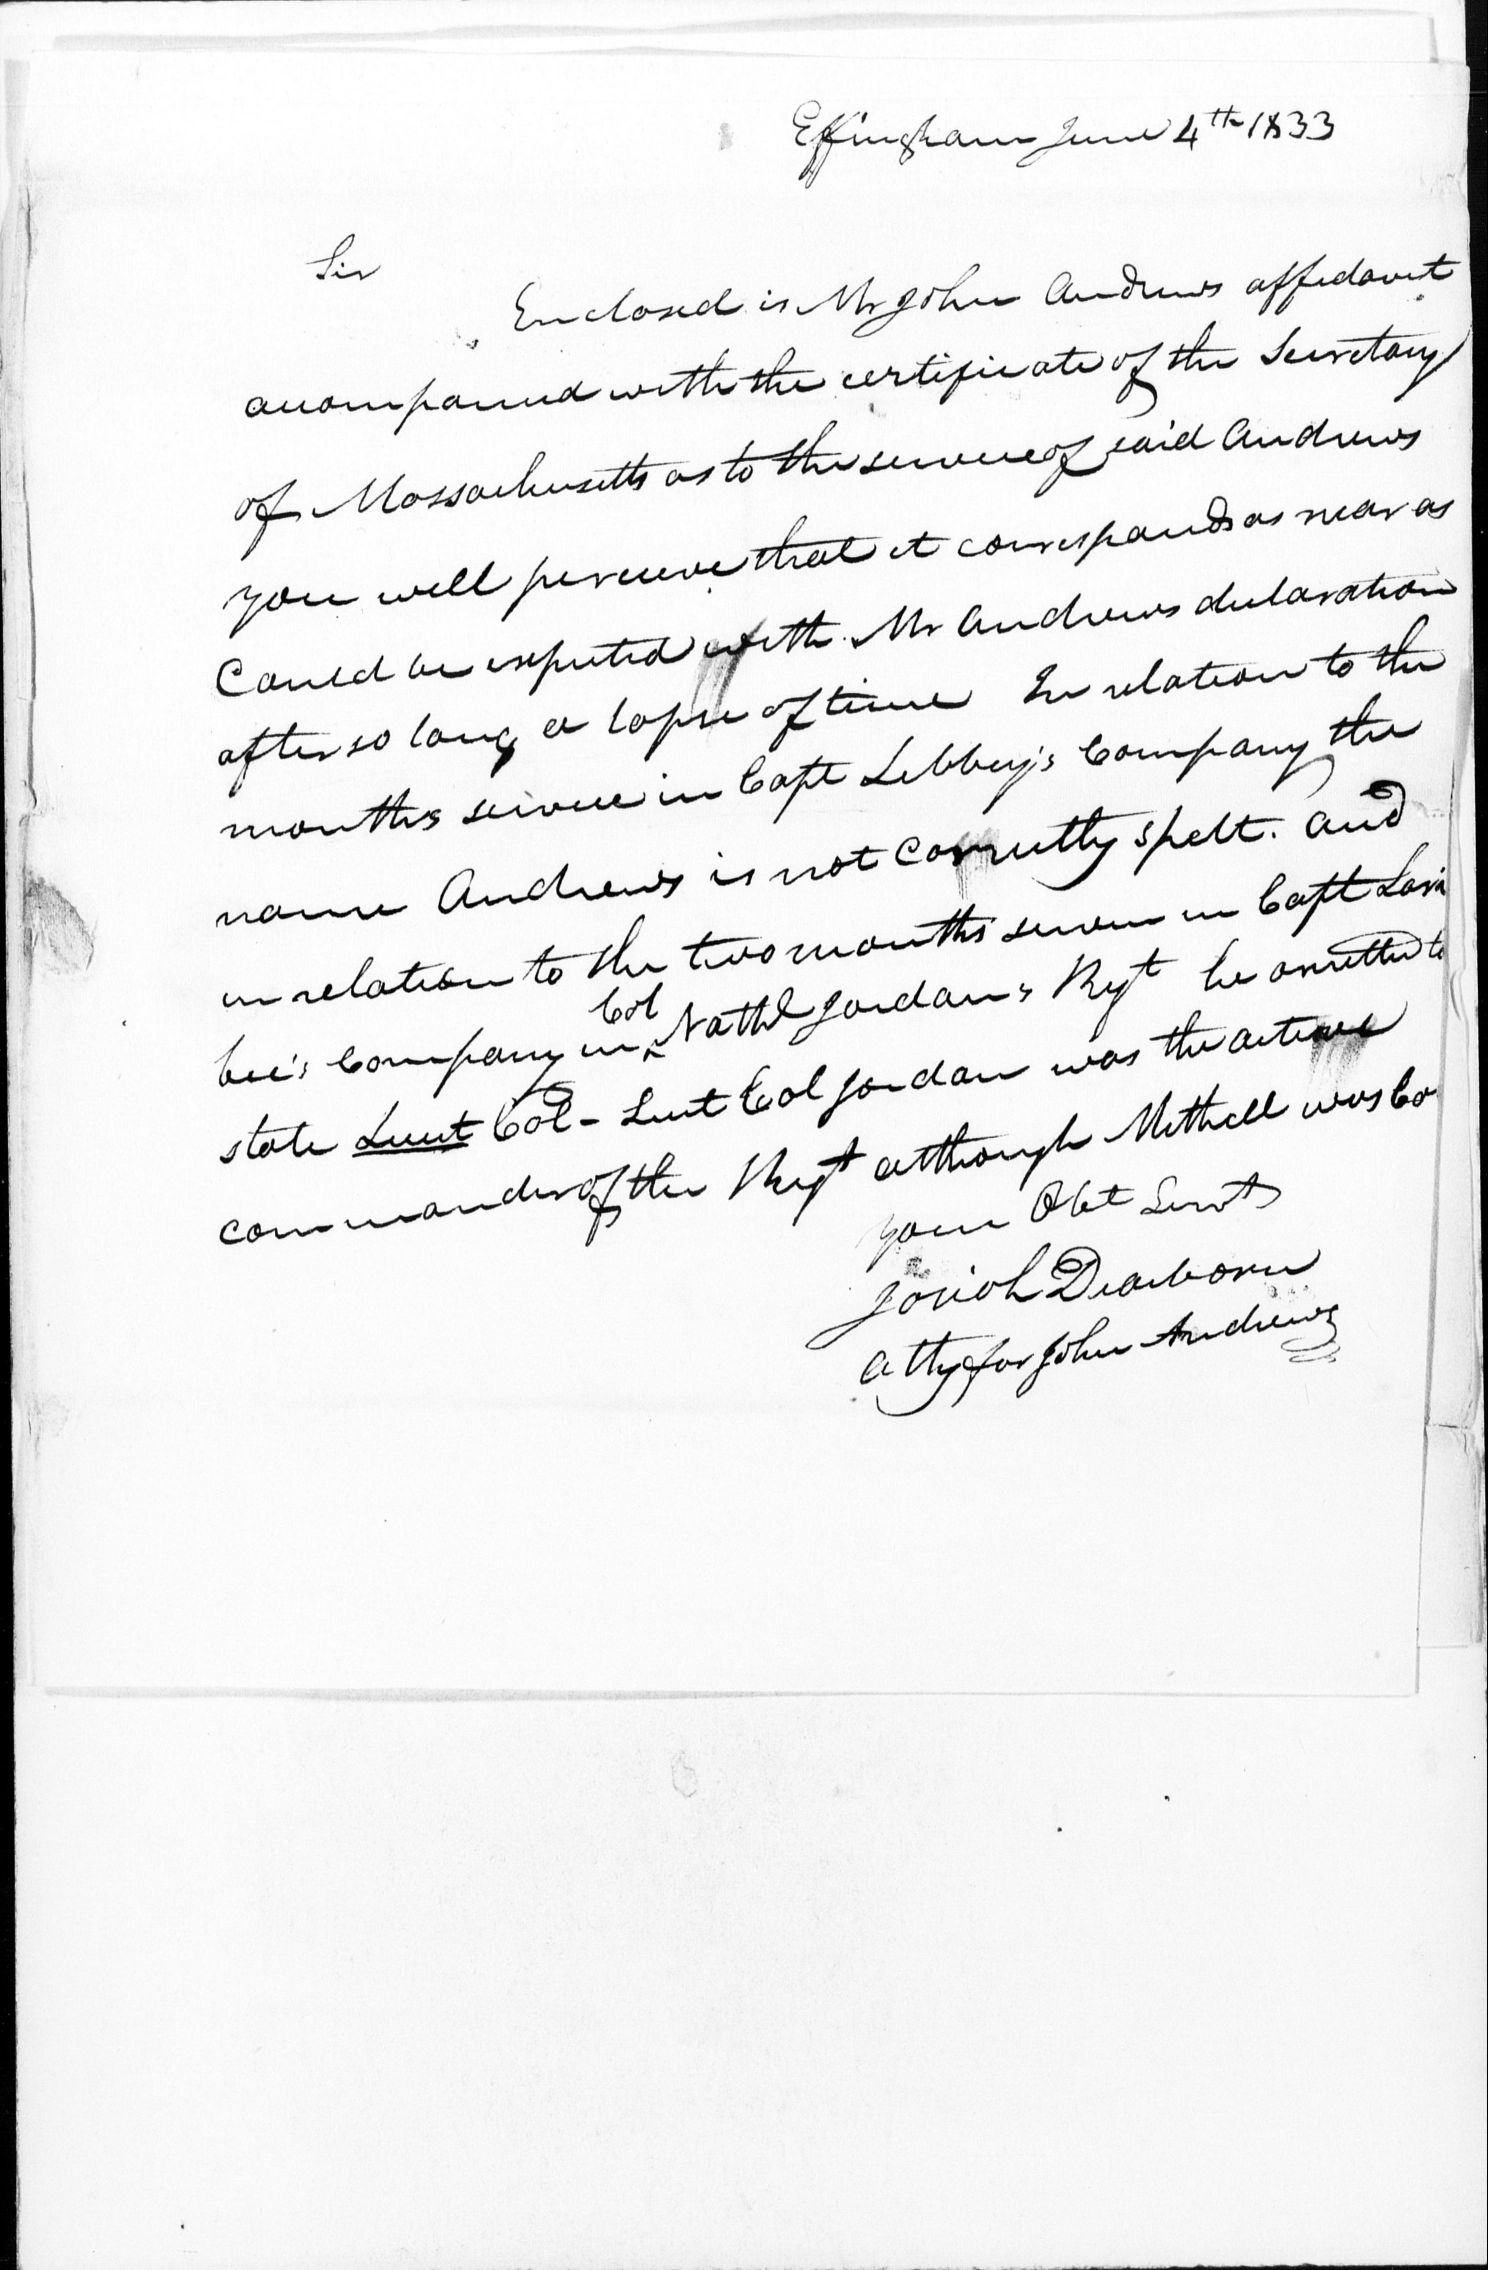Effingham June 4, 1833

Sir,

Enclosed is my John Andrews affidavit accompanied with the certificate of the Secretary of Massachusetts as to the service of said Andrews. You will preserve that it corresponds as near as could be [illegible] with Mr Andrews [illegible] after so long a lapse of time Evaluation to the months service in Capt. Libby's Company the name Andrews is not correctly spelt. And in relation to the two months service in Capt. Larrabee's company in Col. Nath'l Gordan's Rat. he [illegible] to state Luiet. Col. Luiet. Col. Jordan was the [illegible] commanding of this Regt. although Mitchill was [Cor]

Your Obt. Serv't

Jonah Dearborn
Atty for John Andrews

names: Andrews, Andrews, Jordan, Mitchell, Andrews, John Andrews, John Andrews, Josiah Dearborne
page: 21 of 23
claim: widow's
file: W. 1693, John Andrews, Mass.